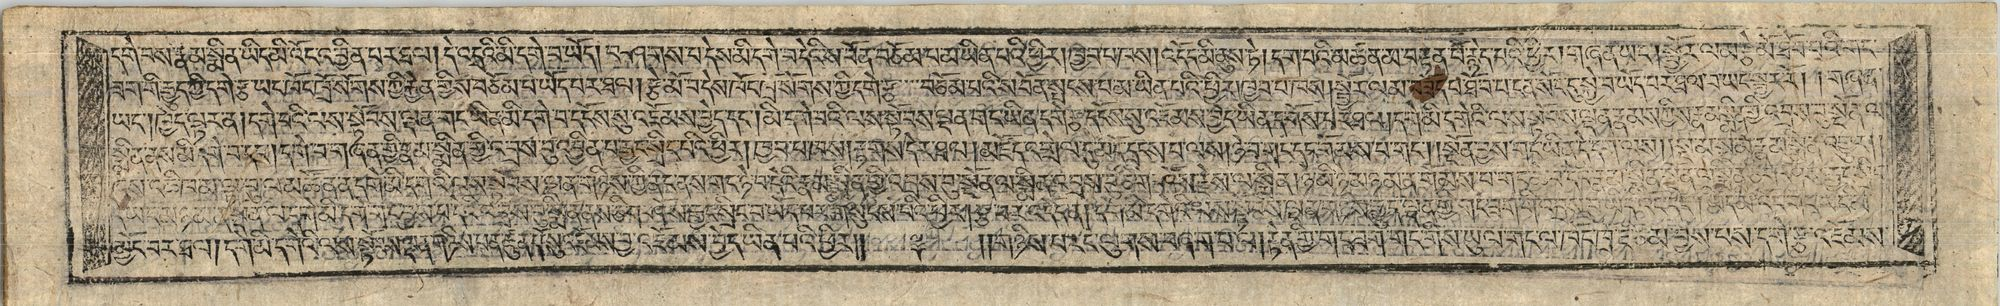དགེ་བས་རྣམ་སྨིན་ཡིད་མི་འོང་འབྱིན་པར་ཐལ། དེ་འདྲའི་མི་དགེ་བ་ཡོད། བཤགས་པ་དེས་མི་དགེ་བ་དེའི་ས་བོན་བཅོམ་བ་མ་ཡིན་པའི་ཕྱིར། ཁྱབ་པ་ཁས། འདོད་མི་ནུས་ཏེ། དག་པའི་མཚན་མ་བརྟན་པོ་རྙེད་པའི་ཕྱིར། གཞན་ཡང་། སྦྱོར་ལམ་རྩེ་མོ་ཐོབ་པའི་གང་
ཟག་གི་རྒྱུད་ཀྱི་དགེ་རྩ་ཡང་ཁོང་ཁྲོ་སོགས་ཀྱི་རྐྱེན་གྱིས་བཅོམ་པ་ཡོད་པར་ཐལ། རྩེ་མོ་བ་དེས་ཁོང་ཁྲོ་སོགས་ཀྱི་དགེ་རྩ་བཅོམ་པའི་ས་བོན་སྤངས་པ་མ་ཡིན་པའི་ཕྱིར། ཁྱབ་པ་ཁས། སྦྱོར་ལམ་བཟོད་པ་ཐོབ་བ་ངན་སོང་དུ་སྐྱེ་བ་ཡོད་པར་ཐལ་བ་ཡང་སྦྱར་རོ། །གཞན་
ཡང་། ཁྱེད་ལྟར་ན། དགེ་བའི་ལས་སྟོབས་ལྡན་གང་ཡིན་མི་དགེ་བ་དངོས་སུ་འཇོམས་བྱེད་དང་། མི་དགེ་བའི་ལས་སྟོབས་ལྡན་གང་ཡིན་དགེ་རྩ་དངོས་སུ་འཇོམས་བྱེད་ཡིན་དགོས་པར་ཐལ། དགེ་མི་དགེའི་ལས་སྟོབས་ལྡན་རྣམས་ཀྱིས་རྣམ་སྨིན་གྱི་འབྲས་བུ་སྔོན་ལ་
སྨིན་ནས་མི་དགེ་བ་དང་། དགེ་བ་གཞན་གྱི་རྣམ་སྨིན་གྱི་འབྲས་བུ་འབྱིན་པ་རྒྱང་སྲིང་པའི་ཕྱིར། ཁྱབ་པ་ཁས། རྟགས་དེར་ཐལ། མཛོད་འགྲེལ་དུ་མདོ་དྲངས་པ་ལས། ཉེ་བ་གང་དང་གོམས་པ་གང་། །སྔོན་བྱས་གང་ཡིན་དེ་དག་ལས། །སྔ་མ་སྔ་མ་རྣམ་སྨིན་འགྱུར། །
ཞེས་འཆི་ཁམ?་ལྟ་བུ་ལ་མཚོན་ན་དགེ་མི་དགེའི་ལས་སྟོབས་ལྡན་གཉིས་ཀྱི་ནང་ནས་གང་ཉེ་བ་དེའི་རྣམ་སྨིན་གྱི་འབྲས་བུ་སྔོན་ལ་སྨིན་འབྲས་བུ་ཅིག་ཤོས་རྗེས་ལ་སྨིན། ཉེ་མི་ཉེ་མཉམ་ན་གོམས་པ་གང་ཆེ་བ་དེའི་རྣམ་སྨིན་སྔོན་ལ་སྨིན་ཅིག་ཤོས་རྒྱང་སྲིང་།
དེ་ཡང་མཉམ་ན་སྔོན་ལ་དགེ་མི་དགེ་གང་བྱས་པ་དེའི་འབྲས་བུ་སྨིན་ནས་ཅིག་ཤོས་རྒྱང་སྲིང་བ་ཡོད་པར་གསུངས་པའི་ཕྱིར། རྩ་བར་འདོད་ན། དགེ་མི་དགེའི་ལས་སྟོབས་ལྡན་གཉིས་རྒྱུད་ལྡན་གྱི་གང་ཟག་གི་འབྲས་བུ་ཡིད་འོང་དང་། ཡིད་མི་འོང་གང་ཡང་མི་
མྱོང་བར་ཐལ། དགེ་མི་དགེའི་ལས་སྟོབས་ལྡན་གཉིས་ཕན་ཚུན་དངོས་སུ་འཇོམས་བྱ་འཇོམས་བྱེད་ཡིན་པའི་ཕྱིར།། ༈ །།གཉིས་པ་རང་ལུགས་བཞག་པ་ལ། རྟེན་གྱི་གང་ཟག་གང་གིས་ཡུལ་གང་ལ་ཁོང་ཁྲོ་ཇི་ཙམ་བྱས་པས་དགེ་རྩ་འཇོམས་